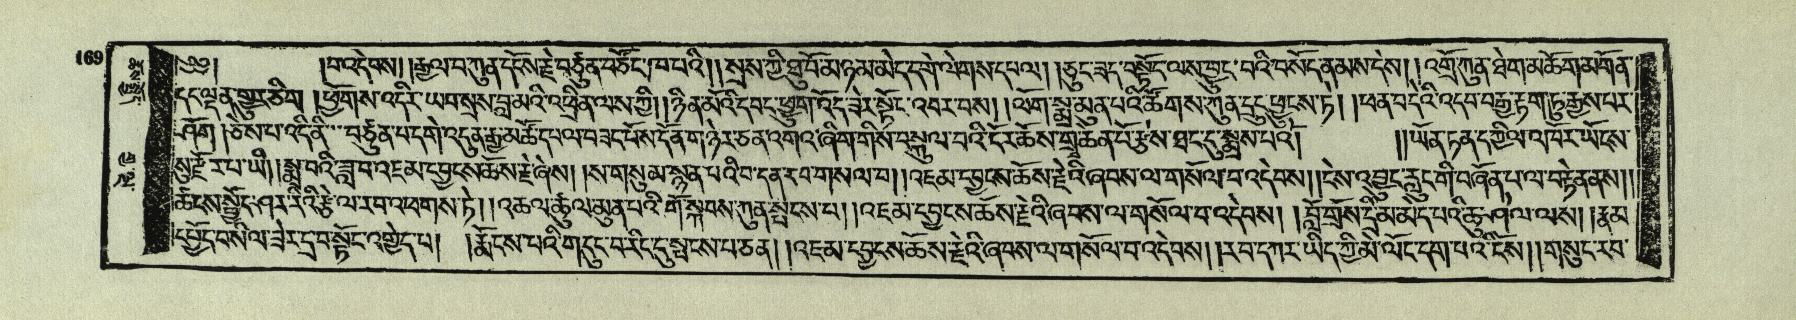༄༅། །བ་འདེབས། །རྒྱལ་བ་ཀུན་དངོས་རྗེ་བཙུན་བཙོང་ཁ་པའི། །སྲས་ཀྱི་ཐུ་བོ་མཉམ་མེད་དགེ་ལེགས་དཔལ། །ཅུང་ཟད་བསྟོད་ལས་བྱུང་བའི་བསོད་ནམས་དེས། །འགྲོ་ཀུན་ཐེག་མཆོག་མགོན་
དང་ལྡན་གྱུར་ཅིག །ཕྱོགས་འདིར་ཡབ་སྲས་བླ་མའི་འཕྲིན་ལས་ཀྱི། །ཉིན་མོའི་དབང་ཕྱུག་འོད་ཟེར་སྟོང་འབར་བས། །ལོག་སྨྲ་མུན་པའི་ཚོགས་ཀུན་དྲུང་ཕྱུངས་ཏེ། །ཕན་བདེའི་འདབ་བརྒྱ་རྟག་ཏུ་རྒྱས་པར་
ཤོག །ཅེས་པ་འདི་ནི་བཙུན་པ་དགེ་འདུན་རྒྱ་མཚོ་དཔལ་བཟང་པོས་དོན་གཉེར་ཅན་འགའ་ཞིག་གིས་བསྐུལ་བའི་དོར་ཆོས་གྲྭ་ཆེན་པོ་རྩེས་ཐང་དུ་སྨྲས་པའོ། །།ཡོན་ཏན་དཀྱིལ་འཁོར་ཡོངས་
སུ་རྫོར་པ་ཡི། །སྨྲ་བའི་ཟླ་བ་འཇམ་དབྱངས་ཆོས་རྗེ་ཞེས། །ས་གསུམ་སྙན་པའི་བ་དན་རབ་གསལ་བ། །འཇམ་དབྱངས་ཆོས་རྗེའི་ཞབས་ལ་གསོལ་བ་འདེབས། །ངེས་འབྱུང་རླུང་གི་བཞོན་པ་ལ་བརྟེན་ནས།།
ཚངས་སྦྱོང་ཤར་རིའི་རྩེ་ལ་རབ་འཕགས་ཏེ། །འཆལ་ཚུལ་མུན་པའི་གོ་སྐབས་ཀུན་སྤངས་པ། །འཇམ་དབྱངས་ཆོས་རྗེའི་ཞབས་ལ་གསོལ་བ་འདེབས། །བློ་གྲོས་དྲི་མ་མེད་པའི་ཆུ་ཤེལ་ལས། །རྣམ་
དཔྱོད་བསིལ་ཟེར་དྲ་བ་སྟོང་འགྱེད་པ། །རྨོངས་པའི་གདུང་བ་རིང་དུ་སྤངས་པ་ཅན། །འཇམ་དབྱངས་ཆོས་རྗེའི་ཞབས་ལ་གསོལ་བ་འདེབས། །རབ་དཀར་ཡིད་ཀྱི་མེ་ལོང་དག་པའི་ངོས། །གསུང་རབ་